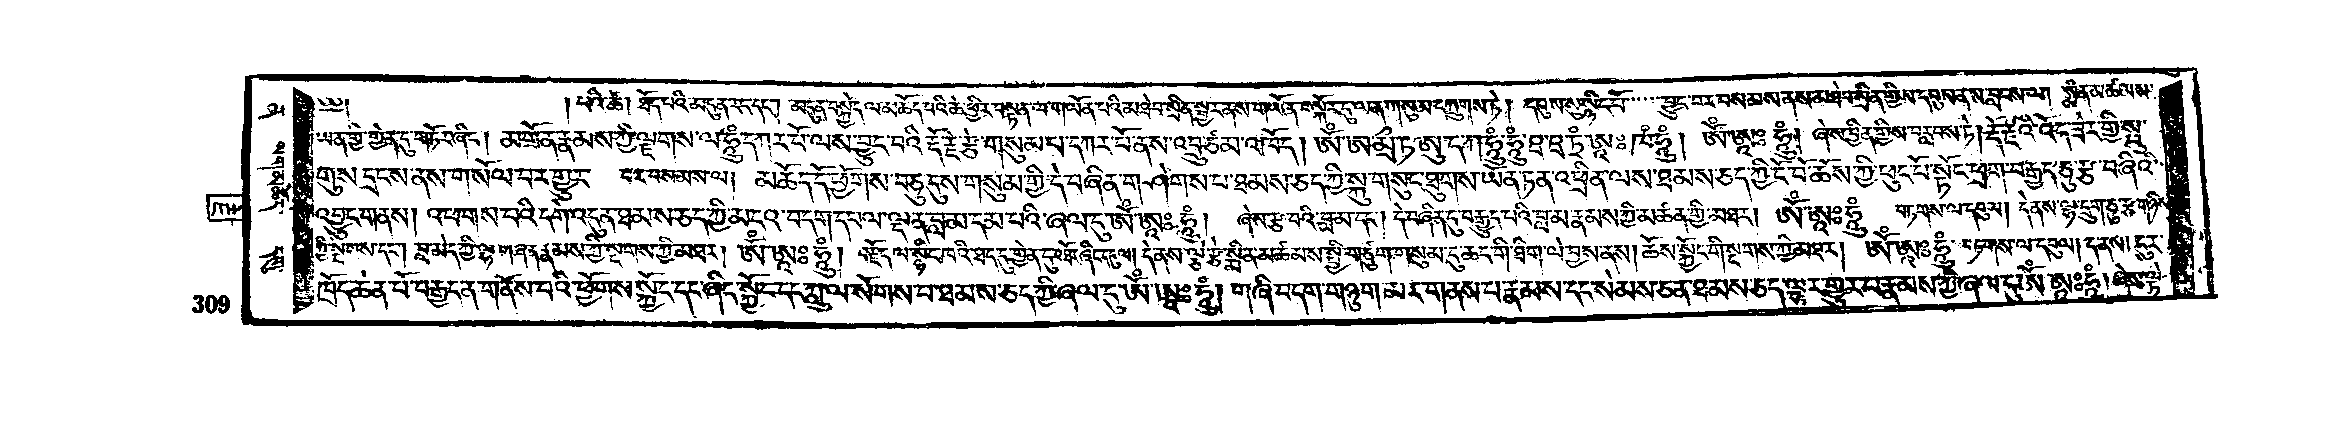༄༅། །པའི་ཚེ། ཐོད་པའི་མདུན་རང་དང་། མདུན་བསྐྱེད་ལ་མཆོད་པའི་ཆེ་ཕྱིར་བསྟན་ལ་གཡོན་པའི་མཐེབ་སྲིན་སྦྱར་ནས་གཡོན་བསྐོར་དུ་ལན་གསུམ་དཀྲུགས་ཏེ། དབུས་སུ་སྙིང་པོ་བྱུང་བར་བསམས་ནས་མཐེབ་སྲིན་གྱིས་དབུས་ནས་བླངས་ལ། སྨིན་མཚམས་
ཡན་གྱི་གྱེན་དུ་གཏོར་ཞིང་། མགྲོན་རྣམས་ཀྱི་ལྗགས་ལ་ཧཱུཾ་དཀར་པོ་ལས་བྱུང་བའི་རྡོ་རྗེ་རྩེ་གསུམ་པ་དཀར་པོ་ནས་འབྲུ་ཙམ་འཁོད། ཨོཾ་ཨ་མྲྀ་ཏ་ཨུ་ད་ཀ་ཧཱུཾ་ཧཱུཾ་ཊཿཨ་ཊཿཨ་ཏྲཾ་ཨཱཿ ཁཾ་ཧཱུཾ། ཨོཾ་ཨཱཿ ཧཱུཾ། ཞེས་བྱིན་གྱིས་བརླབས་ཏེ།  རྡོ་རྗེའི་འོད་ཟེར་གྱི་སྦུ་
གུས་དྲངས་ནས་གསོལ་བར་གྱུར་པར་བསམས་ལ།  མཆོད་དོ་ཕྱོགས་བཅུ་དུས་གསུམ་གྱི་དེ་བཞིན་གཤེགས་པ་ཐམས་ཅད་ཀྱི་སྐུ་གསུང་ཐུགས་ཡོན་ཏན་འཕྲིན་ལས་ཐམས་ཅད་ཀྱི་ངོ་བོ་ཆོས་ཀྱི་ཕུང་པོ་སྟོང་ཕྲག་བརྒྱད་ཅུ་རྩ་བཞིའི་
འབྱུང་གནས། འཕགས་པའི་དགེ་འདུན་ཐམས་ཅད་ཀྱི་མངའ་བདག་དཔལ་ལྡན་བླ་མ་དམ་པའི་ཞལ་དུ་ཨོཾ་ཨཱཿ ཧཱུཾ། ཞེས་རྩ་བའི་བླ་མ་དང་། དེ་བཞིན་དུ་བརྒྱུད་པའི་བླ་མ་རྣམས་ཀྱི་མཚན་གྱི་མཐར།  ཨོཾ་ཨཱཿ ཧཱུཾ་བཏགས་ལ་དབུལ། དེ་ནས་ལྷ་དྲུག་ཅུ་རྩ་གཉིས་
ཀྱི་སྔགས་དང་། བླ་མེད་ཀྱི་ལྷ་གཞན་རྣམས་ཀྱི་སྔགས་ཀྱི་མཐར། ཨོཾ་ཨཱཿ ཧཱུཾ། བརྗོད་ལ་སྙིང་ཁའི་ཐང་དུ་གྱེན་དུ་འཐོར་ཞིང་དབུལ། དེ་ནས་ལྕེ་རྩེ་སྨིན་མཚམས་སྤྱི་གཙུག་གསུམ་དུ་ཆང་གི་ཐིག་ལེ་བྱས་ནས། ཆོས་སྐྱོང་གི་སྔགས་ཀྱི་མཐར།  ཨོཾ་ཨཱཿ ཧཱུཾ། བཏགས་ལ་དབུལ། ད་ནས།  དུར་
ཁྲོད་ཆེན་པོ་བརྒྱད་ན་གནས་པའི་ཕྱོགས་སྐྱོང་དང་ཞིང་སྐྱོང་དང་ཀླུ་ལ་སོགས་པ་ཐམས་ཅད་ཀྱི་ཞལ་དུ་ཨོཾ་ཨཱཿ ཧཱུཾ། གཞི་བདག་གཉུག་མར་གནས་པ་རྣམས་དང་སེམས་ཅན་ཐམས་ཅད་ལྷར་གྱུར་པ་རྣམས་ཀྱི་ཞལ་དུ་ཨོཾ་ཨཱཿ ཧཱུཾ། ཞེས་ལྟེ་